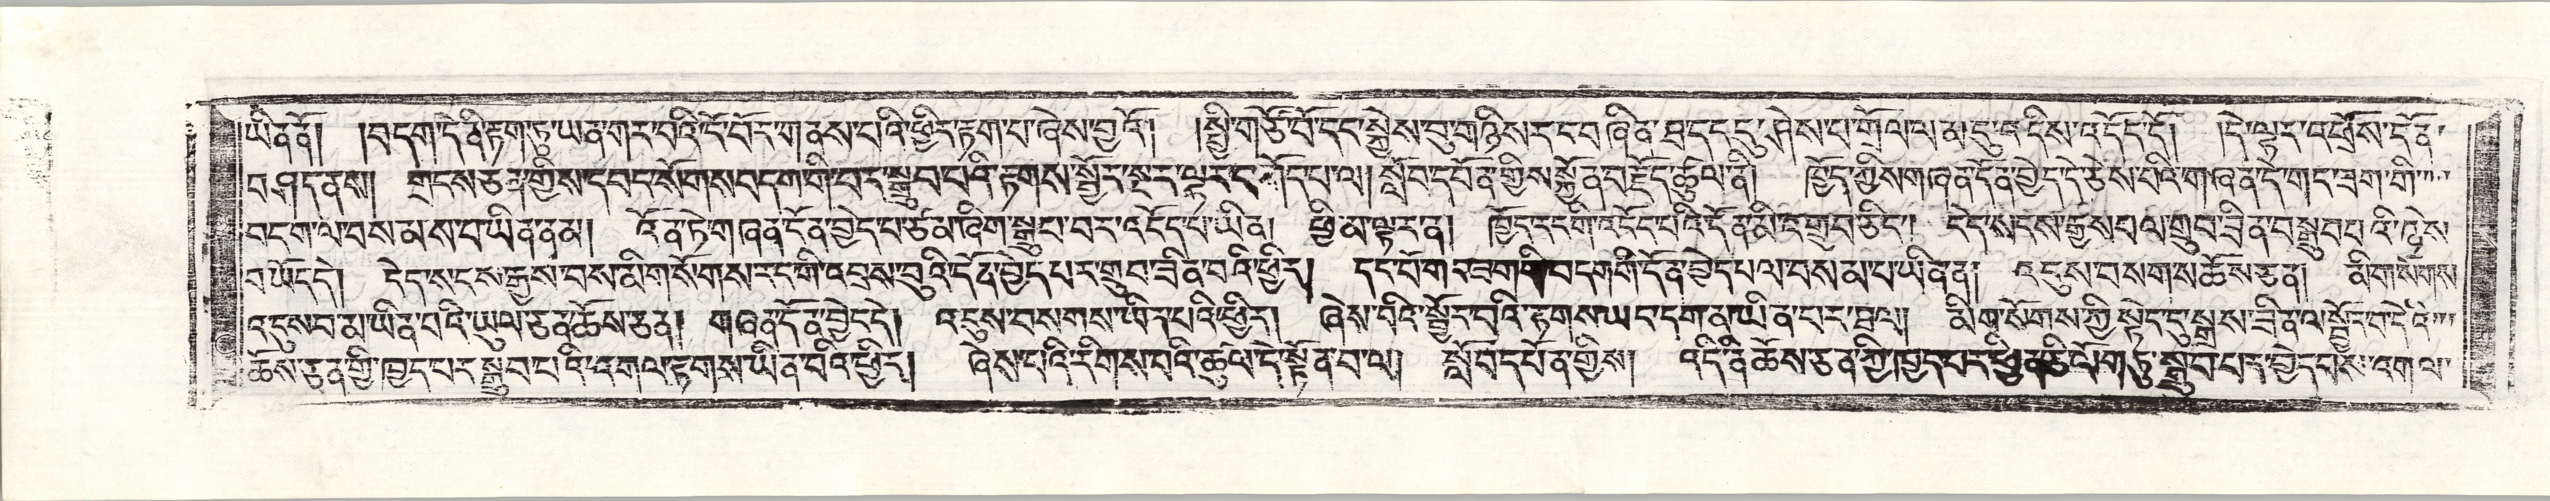ཡིན་ནོ། །བདག་དེ་ནི་རྟག་ཏུ་
ཡན་གར་བའི་ངོ་བོར་གནས་པའི་ཕྱིར་རྟག་པ་ཞེས་བྱའོ། །སྤྱི་གཙོ་བོ་དང་སྐྱེས་བུ་གཉིས་རང་བཞིན་ཐ་དད་དུ་ཤེས་པ་གྲོལ་ལམ་དུ་འདིས་འདོད་དོ། །དེ་ལྟར་འཕྲོས་དོན་བཤད་ནས། གྲངས་ཅན་གྱིས་དབང་སོགས་བདག་གི་བར་སྒྲུབ་པའི་རྟགས་
སྤྱོར་སྔར་ལྟར་བཀོད་པ་ལ། སློབ་དཔོན་གྱིས་སྐྱོན་བརྗོད་ཚུལ་ནི། ཁྱོད་ཀྱིས་གཞན་དོན་བྱེད་དེ་ཞེས་པའི་གཞན་དེ་གང་ཟག་གི་བདག་ལ་བསམས་པ་ཡིན་ནམ། འོ་ན་ཏེ་གཞན་དོན་བྱེད་པ་ཙམ་ཞིག་སྒྲུབ་པར་འདོད་པ་ཡིན། ཕྱི་མ་ལྟར་ན། ཁྱོད་རང་
གི་འདོད་པའི་དོན་མི་འགྲུབ་ཅིང་། ངེད་སངས་རྒྱས་པ་ལ་གྲུབ་ཟིན་བསྒྲུབས་པའི་ཉེས་པ་ཡོད་དེ། ངེད་སངས་རྒྱས་པས་མིག་སོགས་རང་གི་འབྲས་བུའི་དོན་བྱེད་པར་གྲུབ་ཟིན་པའི་ཕྱིར། དང་པོ་གང་ཟག་གི་བདག་གི་དོན་བྱེད་པ་ལ་བསམས་པ་ཡིན་ན།འདུས་བསགས་ཆོས་ཅན། མིག་སོགས་འདུས་པ་མ་ཡིན་པའི་ཡུལ་ཅན་ཆོས་ཅན། གཞན་དོན་བྱེད་དེ། འདུས་བསགས་ཡིན་པའི་ཕྱིར། ཞེས་པའི་སྦྱོར་བའི་རྟགས་ཡང་དག་མ་ཡིན་པར་ཐལ། མིག་སོགས་ཀྱི་སྟེང་དུ་སྒྲས་ཟིན་ལ་སྦྱོར་བ་དེའི་ཆོས་ཅན་
ཀྱི་ཁྱད་པར་སྒྲུབ་པའི་འགལ་རྟགས་ཡིན་པའི་ཕྱིར། ཞེས་པའི་རིགས་པའི་ཚུལ་དེ་སྟོན་པ་ལ། སློབ་དཔོན་གྱིས། འདི་ནི་ཆོས་ཅན་གྱི་ཁྱད་པར་ཕྱིན་ཅི་ལོག་ཏུ་སྒྲུབ་པར་བྱེད་པས་འགལ་